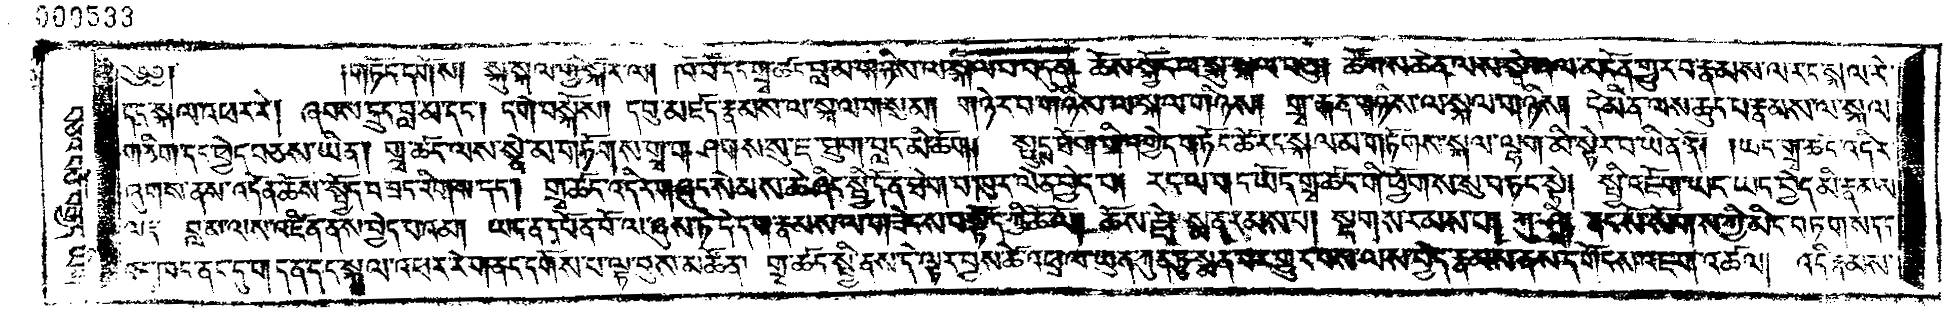༄༅། །གཏོང་དགོས། སྐུ་སྐལ་གྱི་སྐོར་ལ། ཁོ་བོ་དང་གྲྭ་ཚང་བླ་མ་གཉིས་ལ་སྐལ་བ་བདུན། ཆོས་སྐྱོང་ལ་སྐུ་སྐལ་བཅུ། ཚོགས་ཆེན་ལས་སྣེ་ཞལ་མངོན་གྱུར་བ་རྣམས་ལ་རང་སྐལ་རེ་
དང་སྐལ་འཕར་རེ། ཞབས་དྲུང་བླ་མ་དང་། དགེ་བསྐོས། དབུ་མཛད་རྣམས་ལ་སྐལ་གསུམ། གཉེར་བ་གཉིས་ལ་སྐལ་གཉིས། གྲྭ་རྒན་གཉིས་ལ་སྐལ་གཉིས། དེ་མིན་ལས་ཆུང་བ་རྣམས་ལ་སྐལ་
གཅིག་དང་ཕྱེད་བཅས་ཡིན། གྲྭ་ཚང་ལས་སྣེ་མ་གཏོགས་གྲྭ་གཤགས་སུ་ཇ་ཐུག་བླང་མི་ཆོག །སྤུངས་ཐོག་གི་འགྱེད་གཏོང་ཚེ་རང་སྐལ་མ་གཏོགས་སྐལ་ལྷག་མི་སྟེར་བ་ཡིན་ནོ། །ཡང་གྲྭ་ཚང་འདིར་
ཞུགས་ནས་འདོན་ཆོས་སྤྱོད་བཟང་རིགས་དང་། གྲྭ་ཚང་འདིར་གཞུང་སེམས་ཆེ་ཞིང་སྤྱི་དོན་ཐེག་པ་ཁུར་ལེན་བྱེད་པ། རང་ལ་གང་ཡོད་གྲྭ་ཚང་གི་ཕྱོགས་སུ་བཏང་སྟེ། སྤྱི་འཇོག་ཡང་ཡང་བྱེད་མི་རྣམས་
ལ༑ བླ་མ་ལས་འཛིན་ནས་བྱེད་པའམ། ཡང་ན་དཔོན་པོ་ལ་ཞུས་ཏེ་དེ་དག་རྣམས་ལ་གཟེངས་བསྟོད་ཀྱི་ཆོ་ལོ། ཆོས་རྗེ། སྨན་རམས་པ། སྔགས་རམས་པ། ཀུ་ཤྲཱི། ནང་སོ་སོགས་ཀྱི་མིང་བཏགས་དང་
འདུ་ཁང་ནང་དུ་གདན་དང་སྐལ་འཕར་རེ་གནང་དགོས་པ་ལྟ་བུས་མཚོན། གྲྭ་ཚང་སྤྱི་ནས་དེ་ལྟར་བྱས་ཚེ་འཕྲལ་ཡུན་ཀུན་ཏུ་སྨན་བར་གྱུར་བས་ལས་བྱེད་རྣམས་ནས་དགོངས་འཇག་འཚལ། འདི་རྣམས་